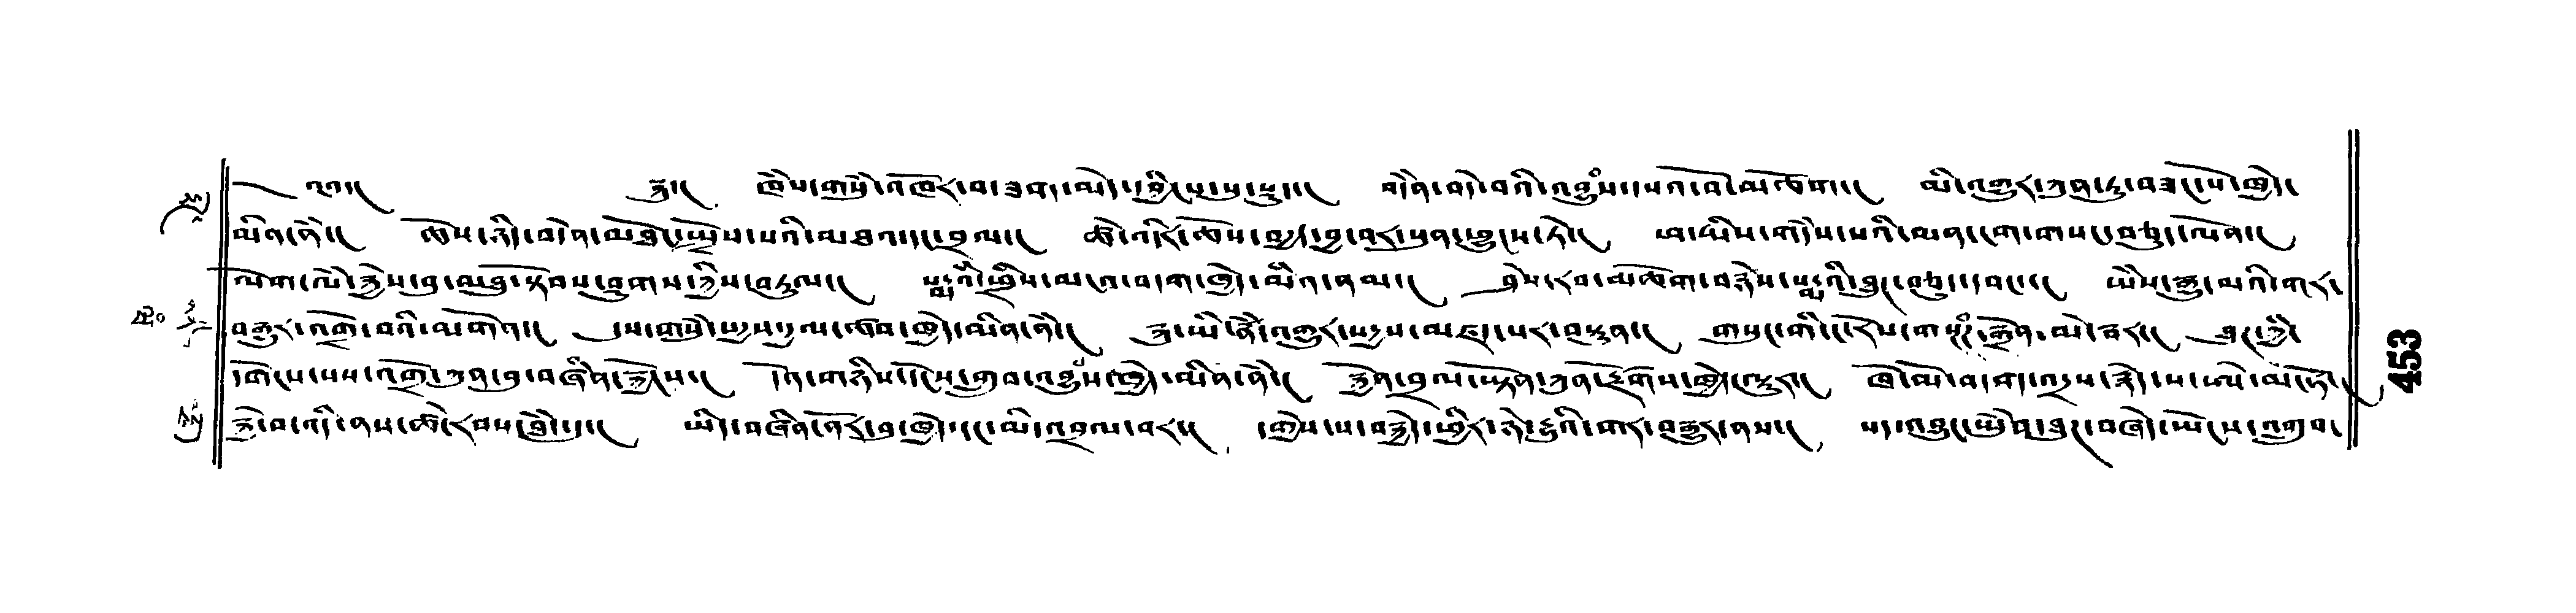སྐུ། ཁམས་གསུམ་འཁོར་བ་ཟག་མེད་དབྱིངས་སུ་སྡུད། །བདེ་ཆེན་བདེ་བའི་འབྱུང་གནས་དཔའ་བོ་མཆོག །མི་འགྱུར་ཀུན་ཏུ་བཟང་པོ་ཁྱེད་
མིན་ནམ། །ཆོས་ཉིད་བདེན་མཐོང་སྤྲོས་པའི་མཐའ་དང་བྲལ། །ཚེ་འདིར་ཆོས་བརྒྱད་བྱ་བར་སུན་ཕྱུངས་ཏེ། །ཕ་ཡིས་གདམས་པའི་མན་ངག་གསང་བཅུད་ལོན། །
ལོག་ལམ་སྐྱེས་བུ་མཐུ་སྟོབས་ཤུགས་ཀྱིས་བཏུལ། །པདྨའི་ཕྲིན་ལས་མང་བདག་ཁྱེད་མིན་ནམ། །ཤེས་རབ་མཆོག་བརྙེས་པདྨའི་ཐུགས་བཅུད་དབང་། །ཡེ་ཤེས་སྒྱུ་མའི་གར་
བསྒྱུར་འགྲོ་བའི་མགོན། །དུས་གསུམ་སངས་རྒྱས་རྒྱལ་ཚབ་ཁྱེད་མིན་ནམ། །སྐུ་ཡི་རྣམ་འགྱུར་སངས་རྒྱས་མཛད་པར་བསྟུན། །གསུང་གི་ང་རོས་གསང་སྔགས་སྒྲོན་མེ་སྦར། །ཐུགས་ཀྱི་
དགོངས་པས་འགྲོ་ཀུན་བུ་བཞིན་སྐྱོངས། །དོན་གཉིས་དངོས་གྲུབ་འབྱུང་གསན་ཁྱེད་མིན་ནམ། །སྐྱོན་བྲལ་ཡོན་ཏན་ཀུན་རྫོགས་ཁྱེད་ལྟ་བུར། ཁོ་མོ་བདག་འདྲས་སྙེད་པ་ཨེ་མ་ཧོ། །
སྐྱེ་བ་འདི་ནས་ཚེ་རབས་ཐམས་ཅད་དུ། །ཡིད་བཞིན་ནོར་བུ་ཁྱེད་དང་མི་འབྲལ་བར། །དགྱེས་པ་བསྐྱེད་ཕྱིར་ཉེ་རྒྱུའི་གར་བསྒྱུར་ནས། །པད་འབྱུང་ཡབ་ཡུམ་ཐུགས་བཞེད་ཡོངས་འགྲུབ་